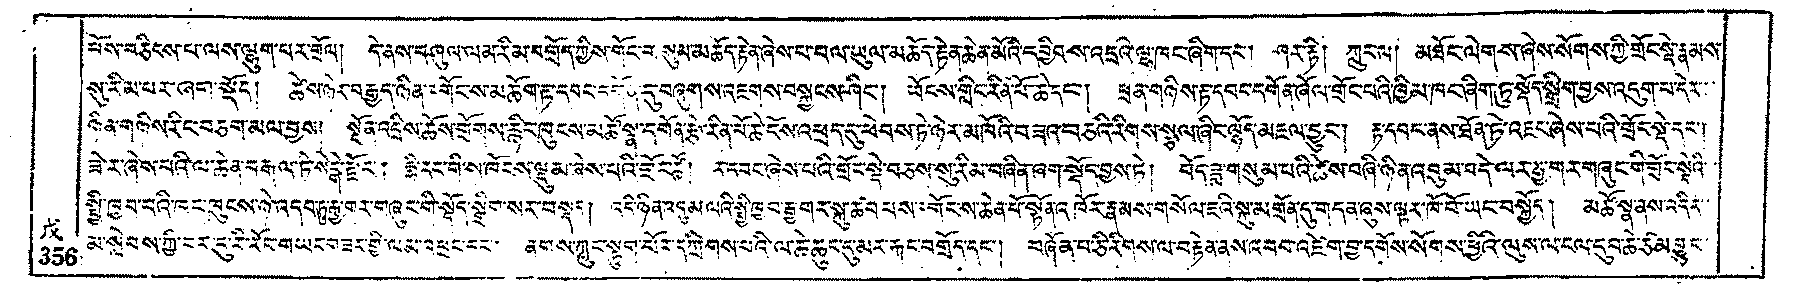པོས་བཅིངས་པ་ལས་ལྷུག་པར་གྲོལ། དེ་ནས་བཤུལ་ལམ་རིམ་བགྲོད་ཀྱིས་གོང་གསུམ་མཆོད་རྟེན་ཞེས་པ་བལ་ཡུལ་མཆོད་རྟེན་ཆེན་མོའི་དབྱིབས་འདྲའི་ལྷ་ཁང་ཞིག་དང་། ཤར་རྟི། ཀླུང་ལ། མཐོང་ལེགས་ཞེས་སོགས་ཀྱི་གྲོང་སྡེ་རྣམས་
སུ་རིམ་པར་ཞག་སྡོད། ཚེས་ཉེར་བརྒྱད་ཉིན་༧གོང་ས་མཆོག་རྟ་དབང་དགོན་དུ་བཞུགས་འཇགས་བསྐྱངས་ཤིང་། ཡོངས་གླིང་རིན་པོ་ཆེ་དང་། ཕྲན་གཉིས་རྟ་དབང་དགོན་ཞོལ་གྲོང་པའི་ཁྱིམ་ཁང་ཞིག་ཏུ་སྡོད་སྒྲིག་བྱས་འདུག་པ་དེར་
ཉིན་གཉིས་རིང་བཅག་མལ་བྱས། སྔོན་འདྲིས་ཆོས་གྲོགས་རྙིང་ཁུངས་མཚོ་སྣ་དགོན་རྩེ་རིན་པོ་ཆེ་ངོས་འཕྲད་དུ་ཕེབས་ཏེ་ཉེར་མཁོའི་བཟའ་བཅའི་རིགས་སྩལ་ཞིང་ལྷོད་མཇལ་བྱུང་། རྟ་དབང་ནས་ཐོན་ཏེ་འཇང་ཞེས་པའི་གྲོང་སྡེ་དང་།
ཟེ་ར་ཞེས་པའི་ལ་ཆེན་བརྒལ་ཏེ་སེངྒེ་རྫོང་། དྷི་རང་གི་ས་ཁོངས་ལྡུམ་ཞེས་པའི་གྲོང་ཚོ། ར་དབང་ཞེས་པའི་གྲོང་སྡེ་བཅས་སུ་རིམ་བཞིན་ཞག་སྡོད་བྱས་ཏེ། བོད་ཟླ་གསུམ་པའི་ཚེས་བཞི་ཉིན་འབུམ་བདེ་ལར་རྒྱ་གར་གཞུང་གི་གྲོང་སྡེའི་
སྤྱི་ཁྱབ་པའི་ཁང་ཁུངས་ཉེ་འདབ་ཏུ་རྒྱ་གར་གཞུང་གི་སྡོད་སྒྲིག་སར་བསྡད། འདི་ཉིན་འབུམ་ལའི་སྤྱི་ཁྱབ་རྒྱ་གར་སྐུ་ཚབ་པས་༧གོང་ས་ཆེན་པོ་སྟོན་འཁོར་རྣམས་གསོལ་ཇའི་སྐུ་མགྲོན་དུ་གདན་ཞུས་ལྟར་ཁོ་བོ་ཡང་བསྐྱོད། མཚོ་སྣ་ནས་འདིར་
མ་སལདབས་ཀྱི་བར་དུ་རི་རོང་གཡང་གཟར་གྱི་ལམ་འཕྲང་དང་། ནགས་ཀླུང་སྟུག་པོར་དཀྲིགས་པའི་ལ་ཆེ་ཆུང་ངུ་མར་རྐང་བགྲོད་དང་། བཞོན་པ་ཅི་རིགས་ལ་བརྟེན་ནས་འབབ་འཛེག་བྱ་དགོས་སོགས་ཕྱིའི་ལུས་ལ་ངལ་དུབ་ཆེ་ཙམ་བྱུང་